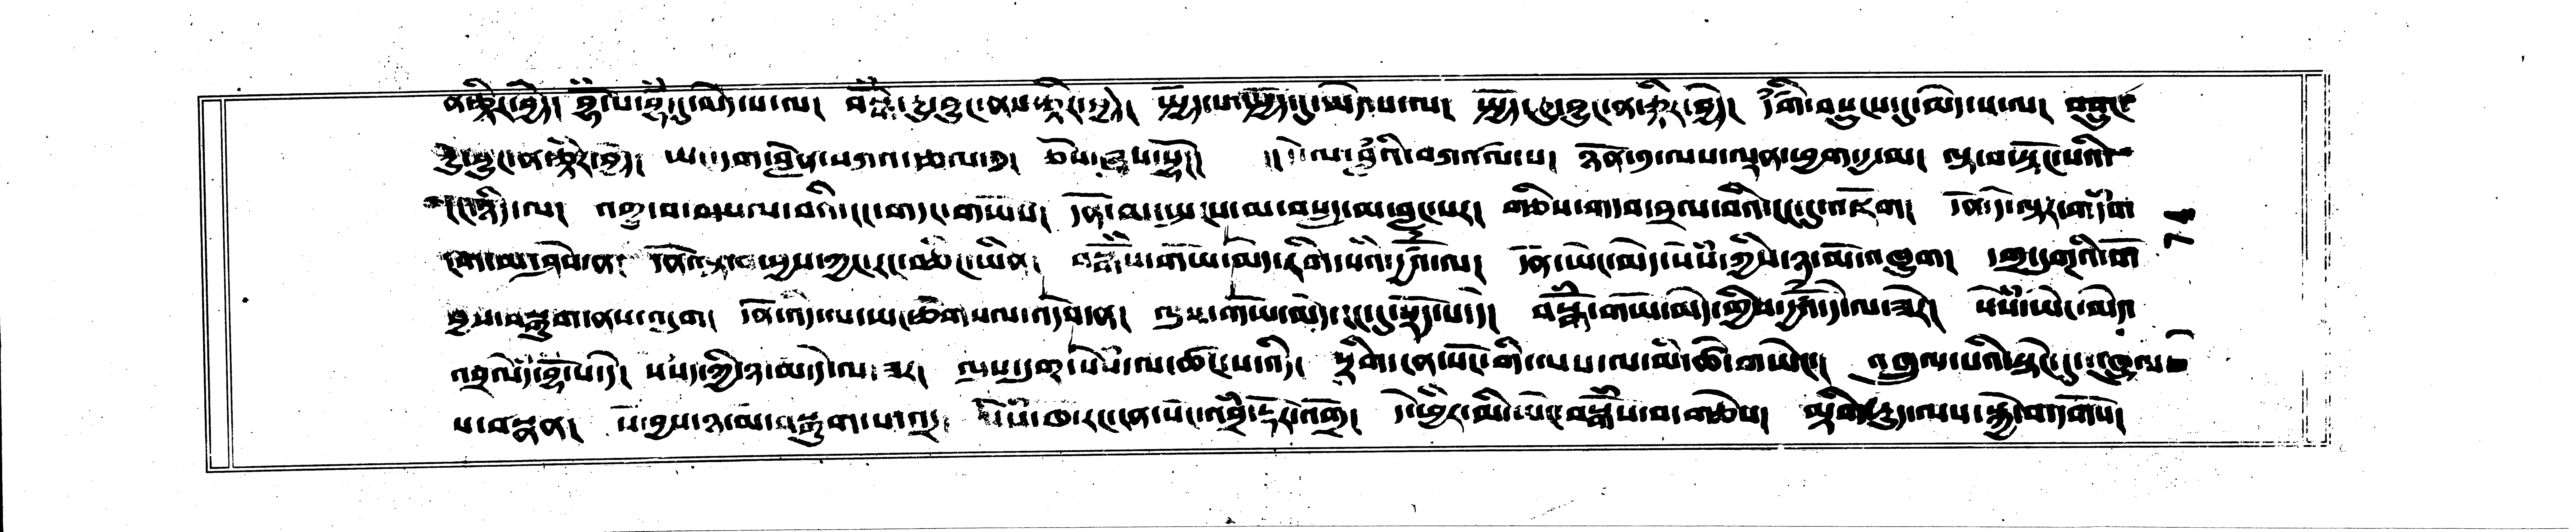ན་ཅི་ལྟར་བྱེད། སྒོམ་པ་སྒོམ་དུ་མེད་པ་ལ། བསྒོམ་དུ་བྱུང་ན་ཅི་ལྟར་བྱེད། སྤྱོད་པ་སྤྱོད་དུ་མེད་པ་ལ། སྤྱོད་དུ་བྱུང་ན་ཅི་ལྟར་བྱེད། དམ་ཚིག་བསྲུང་དུ་མེད་པ་ལ། བསྲུང་
རྒྱུ་བྱུང་ན་ཅི་ལྟར་བྱེད། ཡང་དག་བླ་ཆེན་བཀའ་སྩལ་ཅིག ཅེས་ཞུས་སོ། །དེ་ལ་བླ་མས་བཀའ་སྩལ་པ། ཉོན་ཅིག་ལས་ལྡན་ཕྱག་རྒྱ། ལྟ་བ་སྟོང་པ་
ངང་ཉིད་ལ། འགྱུ་བ་གསལ་བའི་ངང་གདངས་གཡོས། དོན་མ་སྤངས་མ་བསླད་མ་བླང་པར། རྩིས་གདབ་བྲལ་བའི་ངང་དུ་འཇོག དོན་དེ་ལྟར་གདམས་
ངག་མ་ཤེས་ན། དོན་དེ་ལྟར་གདམས་ངག་མ་ཤེས་ན། དོན་ལྟ་བ་ཤེས་ཀྱང་རང་བཅིངས་ཡིན། བསྒོམ་གཡོ་མེད་རིག་པའི་རྒྱ་མཚོ་ལ། དོན་ཡེངས་མེད་སེམས་ཀྱི་ཉ་མོ་འཁྱུག དགྲ་དུག་ལྔའི་གོ་
བྱས་བསྒུགས་ནས་འདུག དོན་འདི་ལ་ཡང་ཅིག་གསལ་འདེབས་ན། ལུས་གཡོ་མེད་ངང་དུ་སྡོད་པ་དེ། བསྒོམ་གཡོ་མེད་ཀྱི་རྒྱ་མཚོ་དེ་ལ་ཟེར། སེམས་ཡེངས་མེད་
འབྲལ་མེད་བསྒོམ་པ་དེ། སེམས་ཉིད་ཀྱི་ཉི་མ་དེ་ལ་ཟེར། ལུས་དུག་ལྔ་སེམས་ལ་ཚང་བ་འདི། སྡིག་ངན་སོང་གི་གནས་ལ་མི་ཚེ་གཡེང་། འཁྲུལ་པའི་སྟེང་དུ་འཁྲུལ་
པ་བསྣན། སོ་བྱས་ཉ་མེད་བསྒུགས་པ་འདྲ། སེམས་ཁ་རང་ངན་སོང་འགྲམ་རྡོར་སྐྱེ། དེ་ཕྱིར་མི་ཡེངས་བསྒོམ་པ་གཅེས། མི་རྟག་རྒྱུད་ལ་སྐྱེ་བ་དགོས་